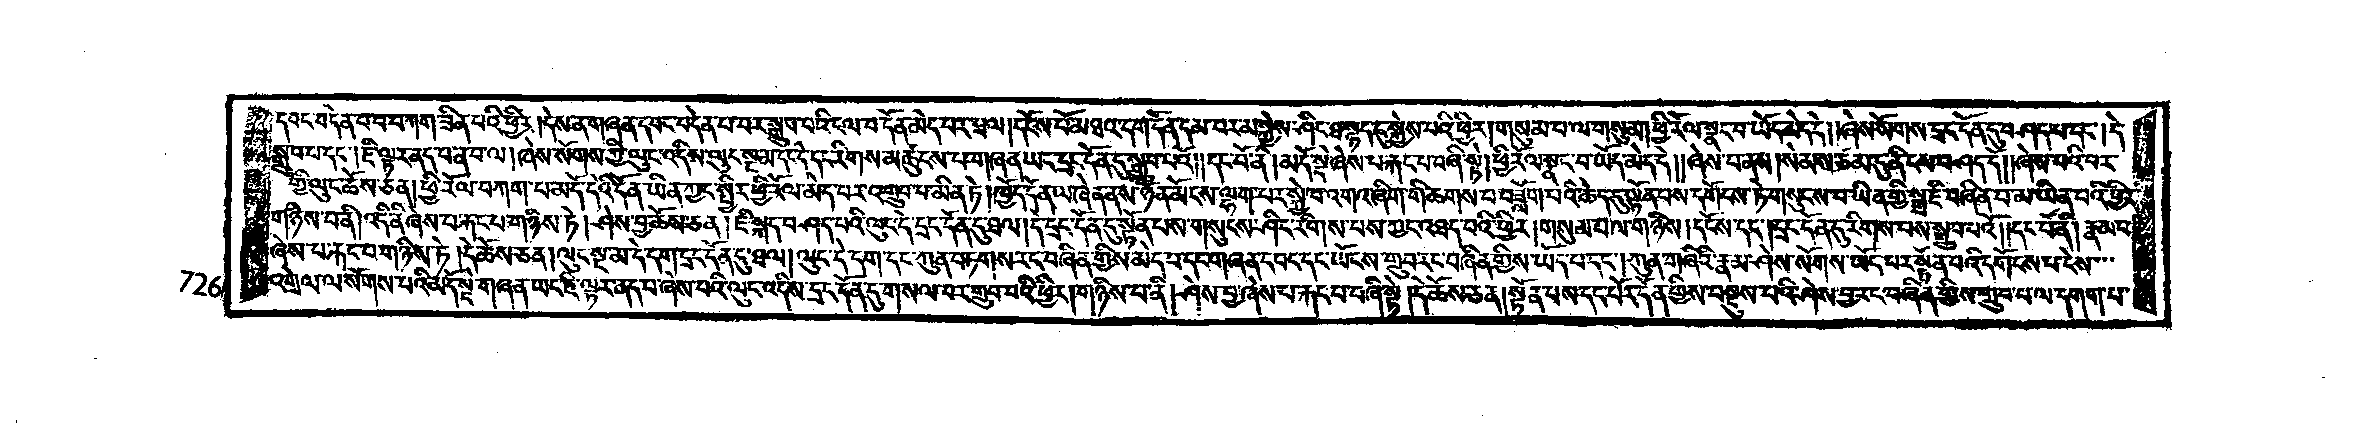དབང་བདེན་པ་བ་བཀག་ཟིན་པའི་ཕྱིར། དེས་ན་གཞན་དབང་བདེན་པ་བར་སྒྲུབ་པའི་ངལ་བ་དོན་མེད་པར་ཐལ། དངོས་པོ་མཐའ་དག་དོན་དམ་པར་མ་སྐྱེས་ཤིང་ཐ་སྙད་དུ་སྐྱེས་པའི་ཕྱིར། གསུམ་པ་ལ་གསུམ། ཕྱི་རོལ་སྣང་བ་ཡོད་མེད་དེ། །ཞེས་སོགས་དྲང་དོན་དུ་བཤད་པ་དང་། དེ་
སྒྲུབ་པ་དང་། ཇི་ལྟར་ནད་པ་ན་བ་ལ། ཞེས་སོགས་ཀྱི་ལུང་འདིས་ལུང་སྔ་མ་དང་དེ་དང་རིགས་མཚུངས་པ་གཞན་ཡང་དྲང་དོན་དུ་སྒྲུབ་པའོ། །དང་པོ་ནི། མདོ་སྡེ་ཞེས་པ་རྐང་པ་བཞི་སྟེ། ཕྱི་རོལ་སྣང་བ་ཡོད་མེད་དེ། །ཞེས་པ་ནས། སེམས་ཙམ་དུ་ནི་ངས་བཤད་དོ། །ཞེས་པའི་བར་
གྱི་ལུང་ཆོས་ཅན་ཕྱི་རོལ། བཀག་པ་མདོ་དེའི་དོན་ཡིན་ཀྱང་སྤྱིར་ཕྱི་རོལ་མེད་པར་འགྲུབ་པ་མིན་ཏེ། ཁྱོད་དོན་ལ་ཞེན་ནས་ཉོན་མོངས་ལྷག་པར་སྐྱེ་བ་འགའ་ཞིག་གི་ཆགས་པ་བཟློག་པའི་ཆེད་དུ་སྟོན་པས་དགོངས་ཏེ་གསུངས་པ་ཡིན་གྱི་སྒྲ་ཇི་བཞིན་པ་མ་ཡིན་པའི་ཕྱིར།
གཉིས་པ་ནི། འདི་ནི་ཞེས་པ་རྐང་པ་གཉིས་ཏེ། ཤེས་བྱ་ཆོས་ཅན། ཇི་སྐད་བཤད་པའི་ལུང་དེ་དྲང་དོན་དུ་ཐལ། དེ་དྲང་དོན་དུ་སྟོན་པས་གསུངས་ཤིང་རིགས་པས་ཀྱང་འཐད་པའི་ཕྱིར། གསུམ་པ་ལ་གཉིས། དངོས་དང་། དྲང་དོན་དུ་རིགས་པས་སྒྲུབ་པའོ། །དང་པོ་ནི། རྣམ་པ་
ཞེས་པ་རྐང་པ་གཉིས་ཏེ། དེ་ཆོས་ཅན། ལུང་སྔ་མ་དེ་དག་དྲང་དོན་དུ་ཐལ། ལུང་དེ་དག་དང་ཀུན་བཏགས་རང་བཞིན་གྱིས་མེད་པ་དང་གཞན་དབང་དང་ཡོངས་གྲུབ་རང་བཞིན་གྱིས་ཡོད་པ་དང་། ཀུན་གཞིའི་རྣམ་པ་ཤེས་སོགས་ཡོད་པར་སྟོན་པའི་དགོངས་པ་ངེས་
འགྲེལ་ལ་སོགས་པའི་མདོ་སྡེ་གཞན་ཡང་ཇི་ལྟར་ནད་པ་ཞེས་པའི་ལུང་འདིས་དྲང་དོན་དུ་གསལ་བར་གྲུབ་པའི་ཕྱིར། གཉིས་པ་ནི། ཤེས་བྱ་ཞེས་པ་རྐང་པ་བཞི་སྟེ། དེ་ཆོས་ཅན། སྟོན་པས་དང་པོར་དོན་གྱིས་བསྡུས་པའི་ཤེས་བྱ་རང་བཞིན་གྱིས་གྲུབ་པ་ལ་དགག་པ་